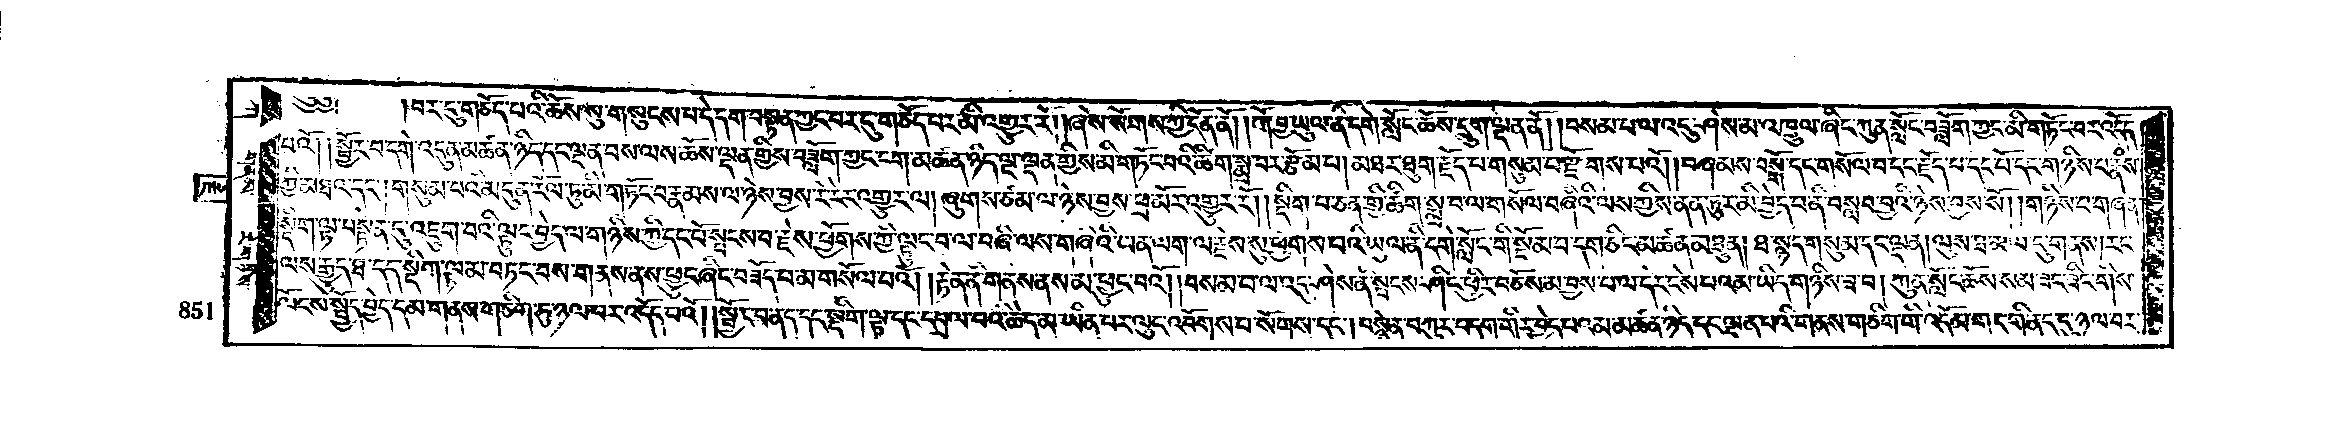༄༅། །བར་དུ་གཅོད་པའི་ཆོས་སུ་གསུངས་པ་དེ་དག་བསྟན་ཀྱང་བར་དུ་གཅོད་པར་མི་འགྱུར་རོ། །ཞེས་སོགས་ཀྱི་དོན་ནོ། །གོ་བྱ་ཡུལ་ནི་དགེ་སློང་ཆོས་དྲུག་ལྡན་ནོ། །བསམ་པ་ལ་འདུ་ཤེས་མ་འཁྲུལ་ཞིང་ཀུན་སློང་བཟློག་ཀྱང་མི་གཏོང་བར་འདོད་
པའོ། །སྦྱོར་བ་དགེ་འདུན་མཚན་ཉིད་དང་ལྡན་བས་ལས་ཆོས་ལྡན་གྱིས་བཟློག་ཀྱང་ངག་མཚན་ཉིད་ལྔ་ལྡན་གྱིས་མི་གཏོང་བའི་ཚིག་སྨྲ་བར་རྩོམ་པ། མཐར་ཐུག་རྗོད་པ་གསུམ་པ་རྫོགས་པའོ། །བཞམས་བསྒོ་དང་གསོལ་བ་དང་རྗོད་པ་དང་པོ་དང་གཉིས་པ་རྣམས་
ཀྱི་མཐའ་དང་། གསུམ་པའི་མདུན་རོལ་ཏུ་མི་གཏོང་བ་རྣམས་ལ་ཉེས་བྱས་རེ་རེར་འགྱུར་ལ། ཞུགས་ཙམ་ལ་ཉེས་བྱས་ཕྲ་མོར་འགྱུར་རོ། །སྡིག་པ་ཅན་གྱི་ཚིག་སྨྲ་བ་ལ་གསོལ་བཞིའི་ལས་ཀྱིས་ནན་ཏུར་མི་བྱེད་པ་ནི་བསླབ་བྱའི་ཉེས་བྱས་སོ། །གཉིས་པ་གཞན་
སྡིག་ལྟ་བསྟེན་དུ་འཇུག་བའི་ལྟུང་བྱེད་ལ་གཉིས་ཀྱི་དང་པོ་སྤངས་བ་རྗེས་ཕྱོགས་ཀྱི་ལྟུང་བ་ལ་བཞི་ལས་གཞིའི་ཡན་ལག་ལ་རྗེས་སུ་ཕྱོགས་པའི་ཡུལ་ནི་དགེ་སློང་གི་སྡོམ་པ་དག་ཅིང་མཚན་མཐུན། ཐ་སྙད་གསུམ་དང་ལྡན། ལུས་ཐ་མལ་དུ་གནས། རང་
ལས་རྒྱུད་ཐ་དད་སྡིག་ལྟ་མ་བཏང་བས་གནས་ནས་ཕྱུང་ཞིང་བཟོད་པ་མ་གསོལ་བའོ། །རྟེན་ནི་གནས་ནས་མ་ཕྱུང་བའོ། །བསམ་པ་ལ་འདུ་ཤེས་ནི་སྤངས་ཤིང་ཕྱིར་བཅོས་མ་བྱས་པ་ལ་དེར་ངེས་པའམ་ཡིད་གཉིས་ཟ་བ། ཀུན་སློང་ཆོས་སམ་ཟང་ཟིང་གིས་
ལོངས་སྤྱོད་བྱེད་དམ་གནས་གཅིག་ཏུ་ཉལ་བར་འདོད་པའོ། །སྦྱོར་བ་ནད་དང་སྡིག་ལྟ་དང་དབྲལ་བའི་ཆེད་མ་ཡིན་པར་ལུང་འབོགས་པ་སོགས་དང་། བསྙེན་བཀུར་བདག་གིར་བྱེད་པའམ་མཚན་ཉིད་དང་ལྡན་པའི་གནས་གཅིག་གི་འདོམ་གང་གི་ནད་དུ་ཉལ་བར་